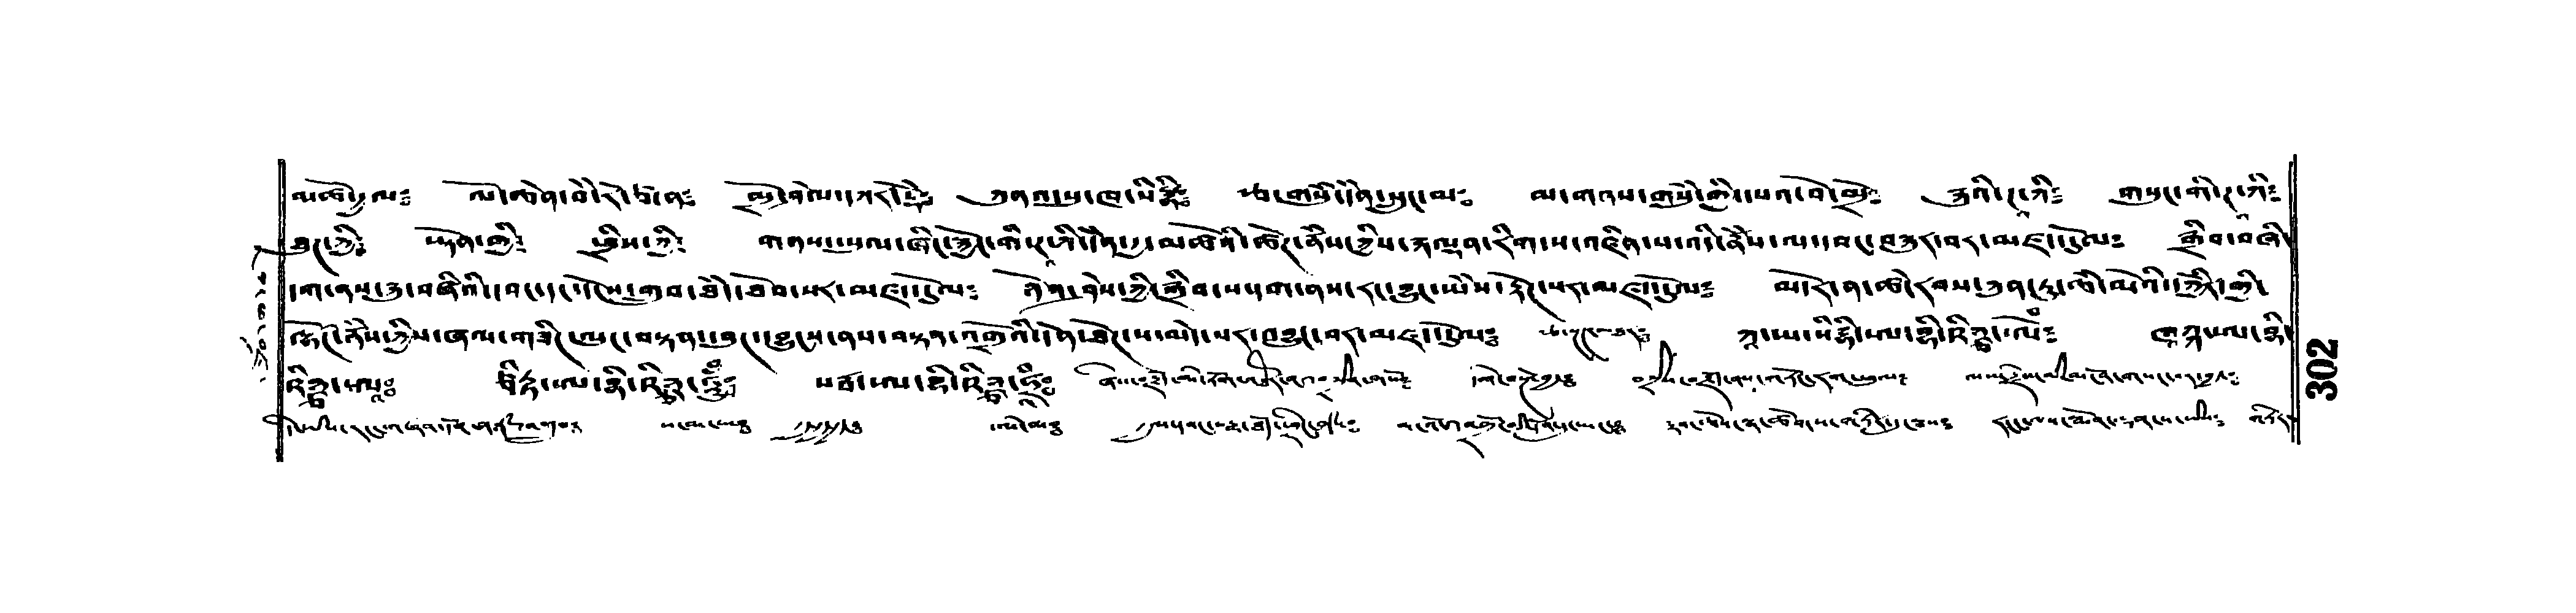མཚོ་རྒྱལ༔ ལོ་ཆེན་བཻ་རོ་ཙ་ན༔ མཁའ་འགྲོ་ཤེལ་དཀར་རྡོ་རྗེ༔ ཀུན་བཟང་སུ་ཁ་སིདྡྷི༔ རྩ་གསུམ་དམ་ཅན་སྲུང་མ༔ མ་གནས་གསུམ་གྱི་དཔའ་བོ་མཁའ་འགྲོ༔ སྐུའི་ཌཱ་ཀི༔ གསུང་གི་ཌཱ་ཀི༔
ཐུགས་ཀྱི༴ ཡོན་ཏན་གྱི༴ ཕྲིན་ལས་ཀྱི༴ གནས་ཡུལ་ཞིང་སྐྱོང་གི་ཌཱ་ཀི་དམ་ཅན་རྒྱ་མཚོའི་ཚོགས་རྣམས་ཀྱིས་སྐལ་ལྡན་རིག་པ་འཛིན་པ་འདི་རྣམས་ལ་དབང་བསྐུར་བར་མཛད་དུ་གསོལ༔ སྒྲིབ་བཞི་
དག་ནས་སྐུ་བཞིའི་དབང་དང་དངོས་གྲུབ་ཐམས་ཅད་ཐོབ་པར་མཛད་དུ་གསོལ༔ ཉོན་ཤེས་ཀྱི་སྒྲིབ་པ་དག་ནས་རང་བྱུང་ཡེ་ཤེས་རྟོགས་པར་མཛད་དུ་གསོལ༔ མདོར་ན་ཚེ་རབས་ཀུན་ཏུ་ཆེ་གེ་མོའི་དཀྱིལ་འཁོར་གྱི་
ལྷ་ཚོགས་རྣམས་ཀྱིས་ཞལ་གཟིགས་ལུང་བསྟན་དབུགས་དབྱུང་ནས་བསྟན་འགྲོའི་དོན་ཐོགས་པ་མེད་པར་འབྱུང་བར་མཛད་དུ་གསོལ༔ རྩ་སྔགས་མཐར༔ ཀཱ་ཡ་སིདྡྷི་ཨ་བྷི་རིཉྩ་ཨོཾ༔ ཁཱཀྐ་ཨ་བྷི་
རིཉྩ་ཨཱཿ ཙིཏྟ་ཨ་བྷི་རིཉྩ་ཧཱུྃ༔ སརྦ་ཨ་བྷི་རིཉྩ་ཧྲཱིཿ ཞེས་བརྗོད་མེ་ཏོག་འཐོར་ནས་བཀའ་དྲིན་གསོ༔ དགེ་བསྔོ་བྱ༔ བཀྲ་ཤིས་བརྗོད་ནས་གཏང་རག་ཕུལ༔ ལས་རྗེས་མི་མངོན་གསང་བར་བྱ༔ 
དེ་ཡིས་རང་གཞན་དོན་གཉིས་འགྲུབ༔ ས་མ་ཡ༔ རྒྱ་རྒྱ་རྒྱ༔ ཨེ་མ༔ རྒྱལ་དབང་པདྨ་ཐོད་ཕྲེང་གིས༔ མ་འོངས་འགྲོ་བའི་དོན་དུ་ཡང༔ ཟབ་ཆོས་སྣ་ཚོགས་གཏེར་དུ་སྦས༔ རང་རང་ལས་སྨོན་ལྡན་པ་ཡིས༔ གཏེར་